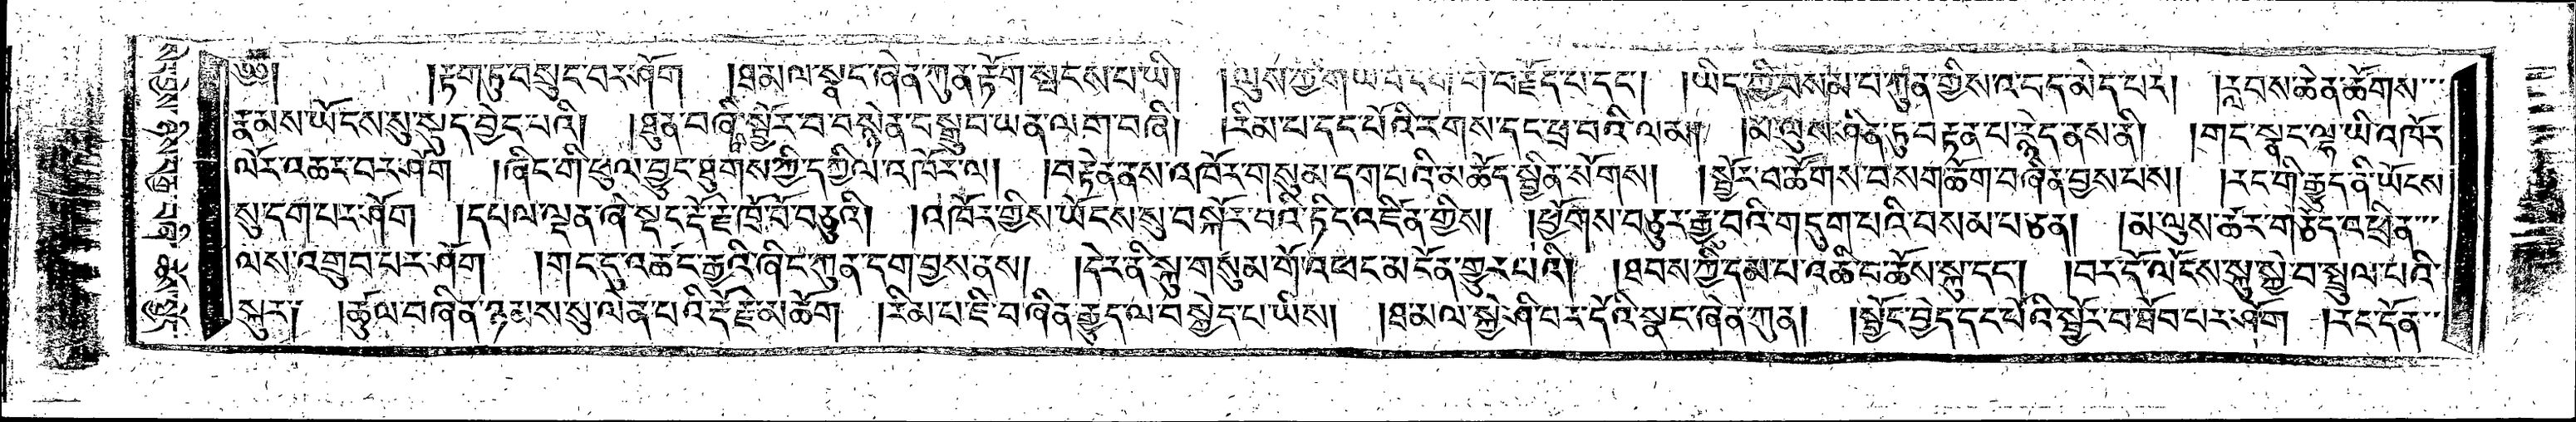༄༅། །རྟག་ཏུ་བསྲུང་བར་ཤོག །ཐ་མལ་སྣང་ཞེན་ཀུན་རྟོག་སྤངས་པ་ཡི། །ལུས་ཀྱི་གཡོ་བ་ངག་གི་བརྗོད་པ་དང་། །ཡིད་ཀྱི་བསམ་པ་ཀུན་གྱིས་འབད་མེད་པར། །རླབས་ཆེན་ཚོགས་
རྣམས་ཡོངས་སུ་སྡུད་བྱེད་པའི། །ཐུན་བཞིའི་སྦྱོར་བ་བསྙེན་བསྒྲུབ་ཡན་ལག་བཞི། །རིམ་པ་དང་པོའི་རགས་དང་བྲ་བའི་ལམ། །མ་ལུས་ཤིན་ཏུ་བརྟན་པ་རྙེད་ནས་ནི། །གང་སྣང་ལྷ་ཡི་འཁོར་
ལོར་འཆར་བར་ཤོག །ཞིང་གི་ཕུལ་བྱུང་ཐུགས་ཀྱི་དཀྱིལ་འཁོར་ལ། །བརྟེན་ནས་འཁོར་གསུམ་དག་པའི་མཆོད་སྦྱིན་སོགས། །སྦྱོར་བ་ཚོགས་བསག་ཆོག་བཞིན་བྱས་པས། །རང་གི་རྒྱུད་ནི་ཡོངས་
སུ་དག་པར་ཤོག །དཔལ་ལྡན་ཞེ་སྡང་རྡོ་རྗེ་ཁྲོ་བོ་བཅུའི། །འཁོར་གྱིས་ཡོངས་སུ་བསྐོར་བའི་ཏིང་འཛིན་གྱིས། །ཕྱོགས་བཅུར་རྒྱུ་བའི་གདུག་པའི་བསམ་པ་ཅན། །མ་ལུས་ཚར་གཅད་འཕྲིན་
ལས་འགྲུབ་པར་ཤོག །གང་དུ་འཚང་རྒྱའི་ཞིང་ཀུན་དག་བྱས་ནས། །དེར་ནི་སྐུ་གསུམ་གོ་འཕང་མངོན་གྱུར་པའི། །ཐབས་ཀྱི་དམ་པ་འཆི་བ་ཆོས་སྐུ་དང་། །བར་དོ་ལོངས་སྐུ་སྐྱེ་བ་སྤྲུལ་པའི་
སྐུར། །ཚུལ་བཞིན་ཉམས་སུ་ལེན་པའི་རྡོ་རྗེ་མཆོག །རིམ་པ་ཇི་བཞིན་རྒྱུད་ལ་བསྐྱེད་པ་ཡིས། །ཐ་མལ་སྐྱེ་སྮི་བར་དོའི་སྣན་ཞེན་ཀུན། །སྦྱོང་བྱེད་དང་པོའི་སྦྱོར་བ་ཐོབ་པར་ཤོག །རང་དོན་